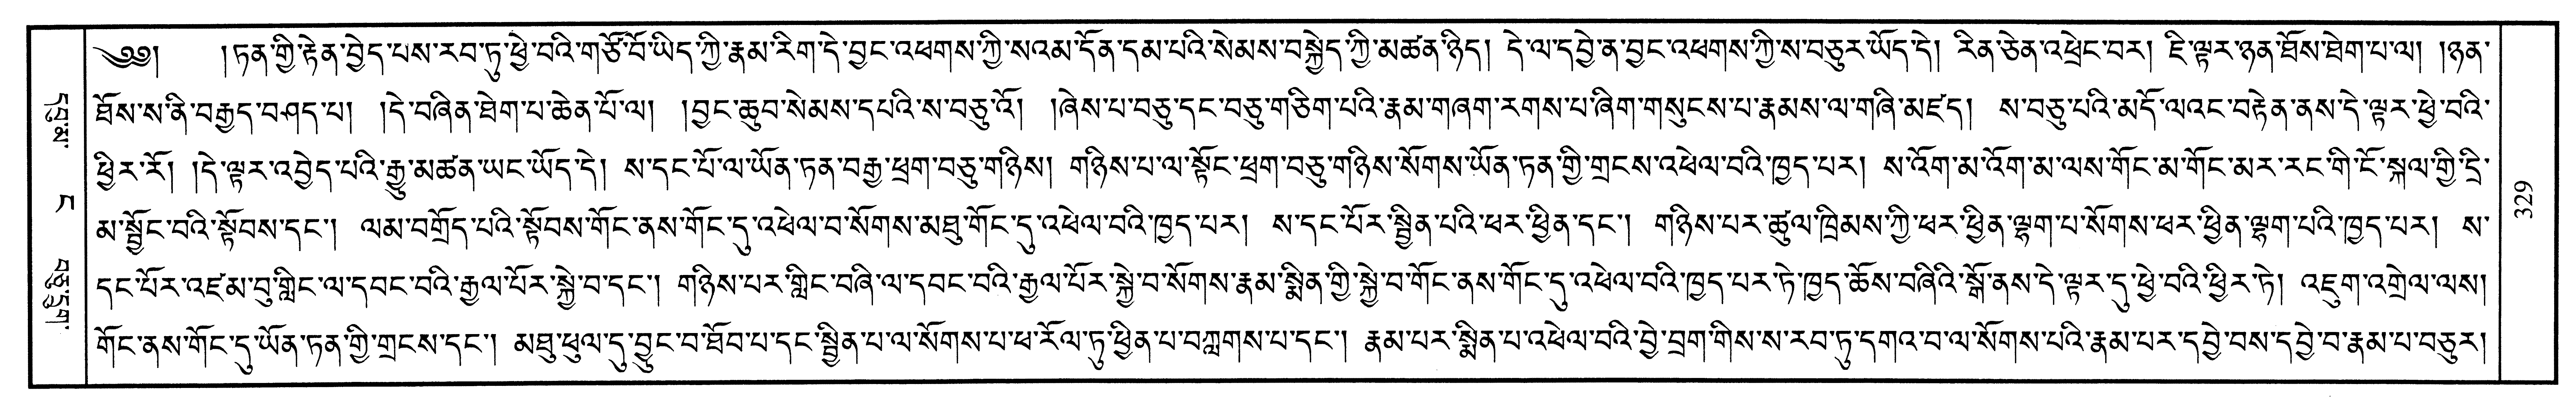༄༅། །ཏན་གྱི་རྟེན་བྱེད་པས་རབ་ཏུ་ཕྱེ་བའི་གཙོ་བོ་ཡིད་ཀྱི་རྣམ་རིག་དེ་བྱང་འཕགས་ཀྱི་སའམ་དོན་དམ་པའི་སེམས་བསྐྱེད་ཀྱི་མཚན་ཉིད། དེ་ལ་དབྱེ་ན་བྱང་འཕགས་ཀྱི་ས་བཅུར་ཡོད་དེ། རིན་ཅེན་འཕྲེང་བར། ཇི་ལྟར་ཉན་ཐོས་ཐེག་པ་ལ། །ཉན་
ཐོས་ས་ནི་བརྒྱད་བཤད་པ། །དེ་བཞིན་ཐེག་པ་ཆེན་པོ་ལ། །བྱང་ཆུབ་སེམས་དཔའི་ས་བཅུ་འོ། །ཞེས་པ་བཅུ་དང་བཅུ་གཅིག་པའི་རྣམ་གཞག་རགས་པ་ཞིག་གསུངས་པ་རྣམས་ལ་གཞི་མཛད། ས་བཅུ་པའི་མདོ་ལའང་བརྟེན་ནས་དེ་ལྟར་ཕྱེ་བའི་
ཕྱིར་རོ། །དེ་ལྟར་འབྱེད་པའི་རྒྱུ་མཚན་ཡང་ཡོད་དེ། །ས་དང་པོ་ལ་ཡོན་ཏན་བརྒྱ་ཕྲག་བཅུ་གཉིས། གཉིས་པ་ལ་སྟོང་ཕྲག་བཅུ་གཉིས་སོགས་ཡོན་ཏན་གྱི་གྲངས་འཕེལ་བའི་ཁྱད་པར། ས་འོག་མ་འོག་མ་ལས་གོང་མ་གོང་མར་རང་གི་ངོ་སྐལ་གྱི་དྲི་
མ་སྦྱོང་བའི་སྟོབས་དང་། ལམ་བགྲོད་པའི་སྟོབས་གོང་ནས་གོང་དུ་འཕེལ་བ་སོགས་མཐུ་གོང་དུ་འཕེལ་བའི་ཁྱད་པར། ས་དང་པོར་སྦྱིན་པའི་ཕར་ཕྱིན་དང་། གཉིས་པར་ཚུལ་ཁྲིམས་ཀྱི་ཕར་ཕྱིན་ལྷག་པ་སོགས་ཕར་ཕྱིན་ལྷག་པའི་ཁྱད་པར། ས་
དང་པོར་འཛམ་བུ་གླིང་ལ་དབང་བའི་རྒྱལ་པོར་སྐྱེ་བ་དང་། གཉིས་པར་གླིང་བཞི་ལ་དབང་བའི་རྒྱལ་པོར་སྐྱེ་བ་སོགས་རྣམ་སྨིན་གྱི་སྐྱེ་བ་གོང་ནས་གོང་དུ་འཕེལ་བའི་ཁྱད་པར་ཏེ་ཁྱད་ཆོས་བཞིའི་སྒོ་ནས་དེ་ལྟར་དུ་ཕྱེ་བའི་ཕྱིར་ཏེ། འཇུག་འགྲེལ་ལས།
གོང་ནས་གོང་དུ་ཡོན་ཏན་གྱི་གྲངས་དང་། མཐུ་ཕུལ་དུ་བྱུང་བ་ཐོབ་པ་དང་སྦྱིན་པ་ལ་སོགས་པ་ཕ་རོལ་ཏུ་ཕྱིན་པ་བཀླགས་པ་དང་། རྣམ་པར་སྨིན་པ་འཕེལ་བའི་བྱེ་བྲག་གིས་ས་རབ་ཏུ་དགའ་བ་ལ་སོགས་པའི་རྣམ་པར་དབྱེ་བས་དབྱེ་བ་རྣམ་པ་བཅུར།